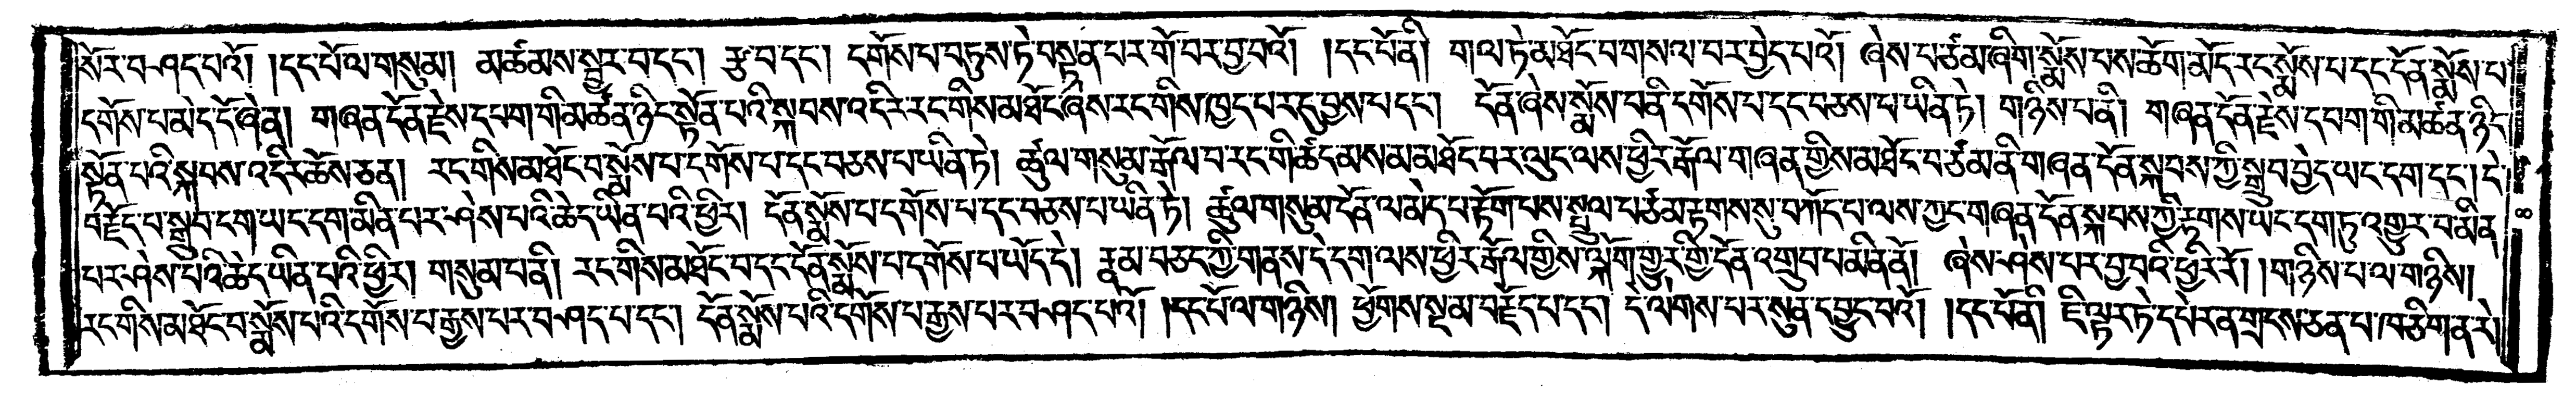སོར་བཤད་པའོ། །དང་པོ་ལ་གསུམ། མཚམས་སྦྱར་བ་དང་། རྩ་བ་དང་། དགོས་པ་བཏུས་ཏེ་བསྟན་པར་གོ་བར་བྱ་བའོ། །དང་པོ་ནི། གལ་ཏེ་མཐོང་བ་གསལ་བར་བྱེད་པའོ། ཞེས་པ་ཙམ་ཞིག་སྨོས་པས་ཆོག་མོད་རང་སྨོས་པ་དང་དོན་སྨོས་པ་
དགོས་པ་མེད་དོ་ཞེ་ན། གཞན་དོན་རྗེས་དཔག་གི་མཚན་ཉིང་སྟོན་པའི་སྐབས་འདིར་རང་གིས་མཐོང་ཞེས་རང་གིས་ཁྱད་པར་དུ་བྱས་པ་དང་། དོན་ཞེས་སྨོས་པ་ནི་དགོས་པ་དང་བཅས་པ་ཡིན་ཏེ། གཉིས་པ་ནི། གཞན་དོན་རྗེས་དཔག་གི་མཚན་ཉིད་
སྟོན་པའི་སྐབས་འདིར་ཆོས་ཅན། རང་གིས་མཐོང་བ་སྨོས་པ་དགོས་པ་དང་བཅས་པ་ཡིན་ཏེ། ཚུལ་གསུམ་རྒོལ་བ་རང་གི་ཚད་མས་མ་མཐོང་བར་ལུང་ལས་ཕྱིར་རྒོལ་གཞན་གྱིས་མཐོང་བ་ཙམ་ནི་གཞན་དོན་སྐབས་ཀྱི་སྒྲུབ་བྱེད་ཡང་དག་དང་། དེ་
བརྗོད་པ་སྒྲུབ་ངག་ཡང་དག་མིན་པར་ཤེས་པའི་ཆེད་ཡིན་པའི་ཕྱིར། དོན་སྨོས་པ་དགོས་པ་དང་བཅས་པ་ཡིན་ཏེ། ཚུལ་གསུམ་དོན་ལ་མེད་པ་རྟོག་པས་སྤྲུལ་པ་ཙམ་རྟགས་སུ་བཀོད་པ་ལས་ཀྱང་གཞན་དོན་སྐབས་ཀྱི་རྟགས་ཡང་དག་ཏུ་འགྱུར་བ་མིན་
པར་ཤེས་པའི་ཆེད་ཡིན་པའི་ཕྱིར། གསུམ་པ་ནི། རང་གིས་མཐོང་བ་དང་དོན་སྨོས་པ་དགོས་པ་ཡོད་དེ། རྣམ་བཅད་ཀྱི་གནས་དེ་དག་ལས་ཕྱིར་རྒོལ་གྱིས་ལྐོག་གྱུར་གྱི་དོན་འགྲུབ་པ་མིན་ནོ། ཞེས་ཤེས་པར་བྱ་བའི་ཕྱིར་རོ། །གཉིས་པ་ལ་གཉིས།
རང་གིས་མཐོང་བ་སྨོས་པའི་དགོས་པ་རྒྱས་པར་བཤད་པ་དང་། དོན་སྨོས་པའི་དགོས་པ་རྒྱས་པར་བཤད་པའོ། །དང་པོ་ལ་གཉིས། ཕྱོགས་སྔ་མ་བརྗོད་པ་དང་། དེ་ལེགས་པར་སུན་དབྱུང་བའོ། །དང་པོ་ནི། ཇི་ལྟར་ཏེ་དཔེར་ན་གྲངས་ཅན་པ་ཁ་ཅིག་ན་རེ།